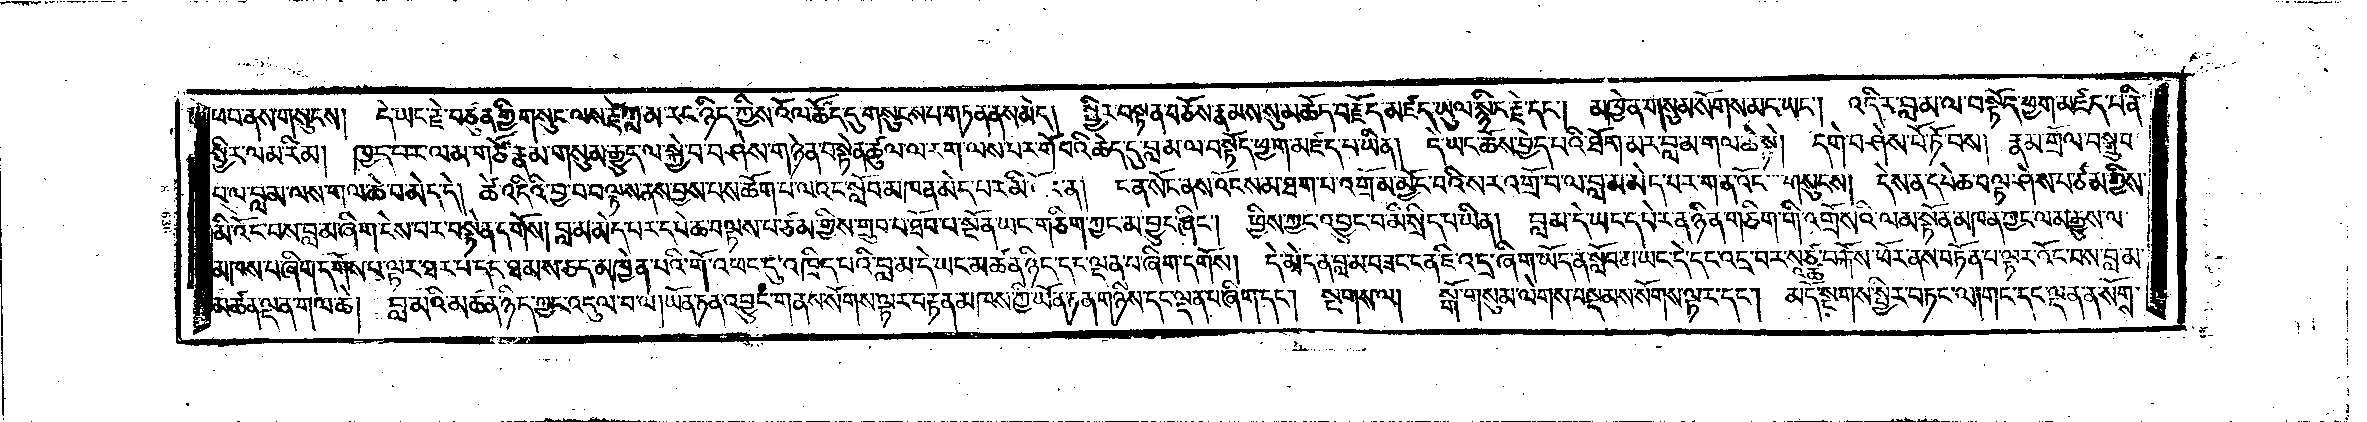ཕབ་ནས་གསུངས། དེ་ཡང་རྗེ་བཙུན་གྱི་གསུང་ལས་རྗེ་བླ་མ་རང་ཉིད་ཀྱིས་འོལ་ཚོད་དུ་གསུངས་པ་གཏན་ནས་མེད། སྤྱིར་བསྟན་བཅོས་རྣམས་སུ་མཆོད་བརྗོད་མཛད་ཡུལ་སྙིང་རྗེ་དང་། མཁྱེན་གསུམ་སོགས་མང་ཡང་། འདིར་བླ་མ་ལ་བསྟོད་ཕྱག་མཛད་པ་ནི་
སྤྱིར་ལམ་རིམ། ཁྱད་པར་ལམ་གཙོ་རྣམ་གསུམ་རྒྱུད་ལ་སྐྱེ་བ་བཤེས་གཉེན་བསྟེན་ཚུལ་ལ་རག་ལས་པར་གོ་བའི་ཆེད་དུ་བླ་མ་ལ་བསྟོད་ཕྱག་མཛད་པ་ཡིན། དེ་ཡང་ཆོས་བྱེད་པའི་ཐོག་མར་བླ་མ་གལ་ཆེ་སྟེ། དགེ་བཤེས་པོ་ཏོ་བས། རྣམ་གྲོལ་བསྒྲུབ་
པ་ལ་བླ་མ་ལས་གལ་ཆེ་བ་མེད་དེ། ཚེ་འདིའི་བྱ་བ་བལྟས་ནས་བྱས་པས་ཆོག་པ་ལའང་སློབ་མཁན་མེད་པར་མི་འོང་ན། ངན་སོང་ནས་འོངས་མ་ཐག་པ་འགྲོ་མ་མྱོང་བའི་སར་འགྲོ་བ་ལ་བླ་མ་མེད་པར་ག་ན་འོང་གསུངས། དེས་ན་དཔེ་ཆ་བལྟ་ཤེས་པ་ཙམ་གྱིས་
མི་འོང་བས་བླ་མ་ཞིག་ངེས་པར་བསྟེན་དགོས། བླ་མ་མེད་པར་དཔེ་ཆ་བལྟས་པ་ཙམ་གྱིས་གྲུབ་པ་ཐོབ་པ་སྔོན་ཡང་གཅིག་ཀྱང་མ་བྱུང་ཞིང་། ཕྱིས་ཀྱང་འབྱུང་བ་མི་སྲིད་པ་ཡིན། བླ་མ་དེ་ཡང་དཔེར་ན་ཉིན་གཅིག་གི་འགྲོ་སའི་ལམ་སྟོན་མཁན་ཀྱང་ལམ་རྒྱུས་ལ་
མཁས་པ་ཞིག་དགོས་པ་ལྟར་ཐར་པ་དང་ཐམས་ཅད་མཁྱེན་པའི་གོ་འཕང་དུ་འཁྲིད་པའི་བླ་མ་དེ་ཡང་མཚན་ཉིད་དང་ལྡན་པ་ཞིག་དགོས། དེ་མེད་ན་བླ་མ་བཟང་ངན་ཇི་འདྲ་ཞིག་ཡོད་ན་སློབ་མ་ཡང་དེ་དང་འདྲ་བར་སཱཙྪ་བརྐོས་ཕོར་ནས་བཏོན་པ་ལྟར་འོང་བས་བླ་མ་
མཚན་ལྡན་གལ་ཆེ། བླ་མའི་མཚན་ཉིད་ཀྱང་འདུལ་བ་ལ། ཡོན་ཏན་འབྱུང་གནས་སོགས་ལྟར་བརྟན་མཁས་ཀྱི་ཡོན་ཏན་གཉིས་དང་ལྡན་པ་ཞིག་དང་། སྔགས་ལ། སྒོ་གསུམ་ལེགས་བསྡམས་སོགས་ལྟར་དང་། མདོ་སྔགས་སྤྱིར་བཏང་ལ། གང་དང་ལྡན་ན་སོགས་